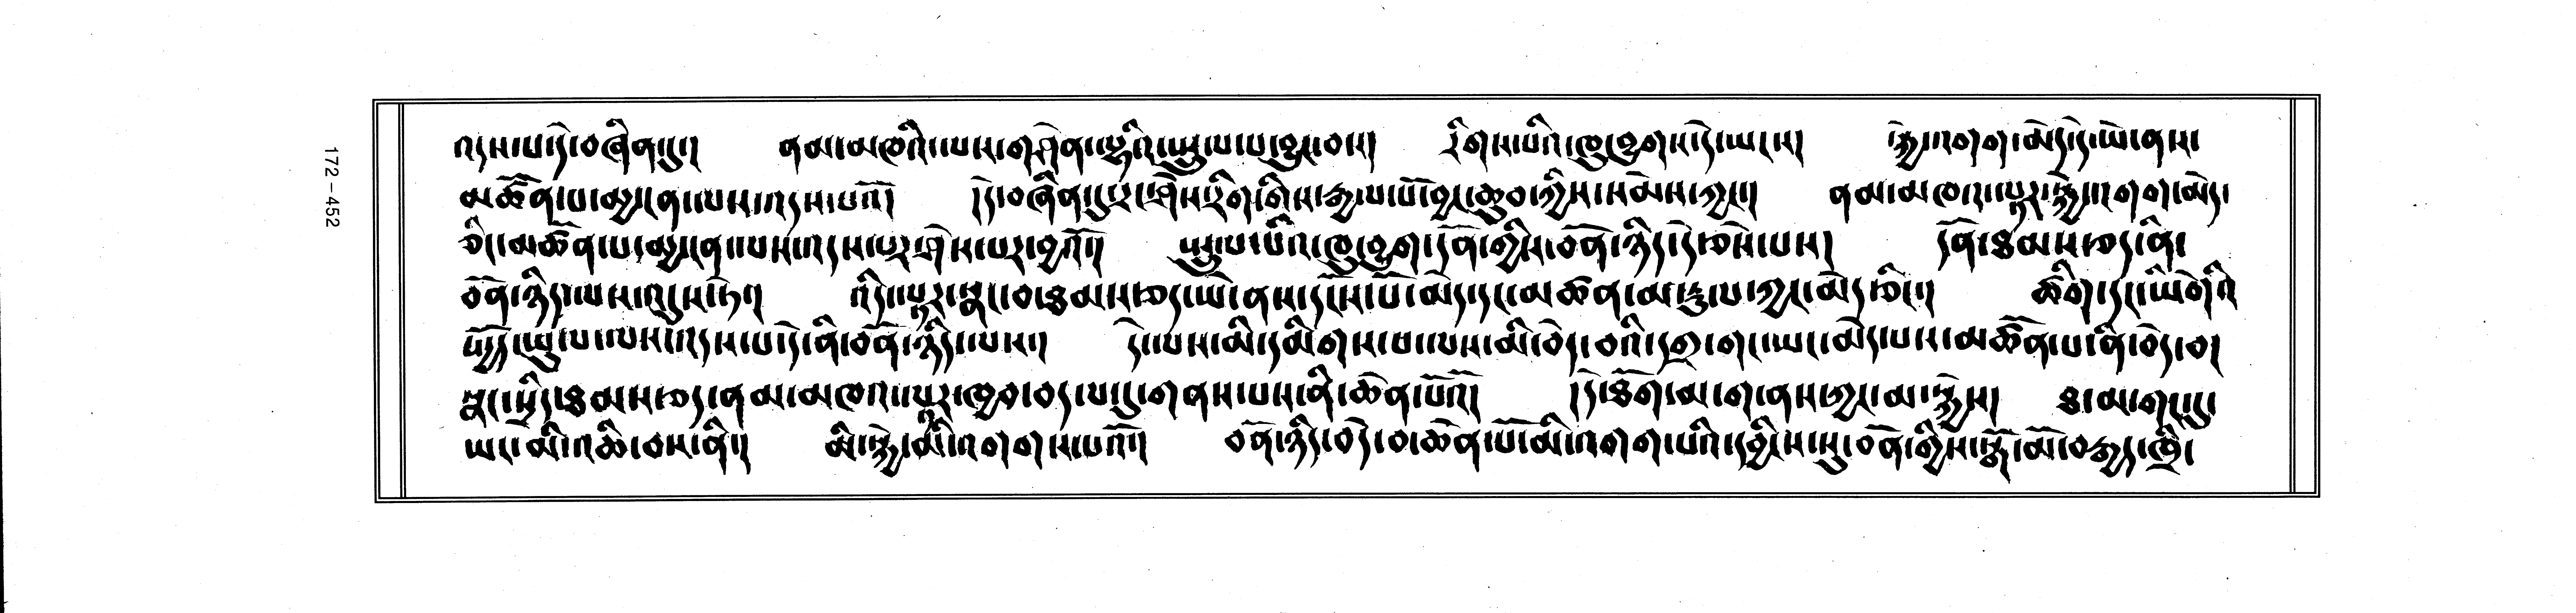འདས་པ་དེ་བཞིན་དུ། ནམ་མཁའི་ལས་གཤེན་ལྷའི་སྤྲུལ་པ་བྱུང་བས། རིག་པའི་ཁུ་བྱུག་དེ་ཡང་། སྐྱེ་འགག་མེད་དེ་ཡེ་ནས་
མཚོན་པ་མྱ་ངན་ལས་འདས་པའོ། དེ་བཞིན་དུ་རང་ཤེས་རིག་གིས་རྒྱལ་པོ་བྱང་ཆུབ་ཀྱིས་སེམས་ཀྱང་། ནམ་མཁའ་ལྟར་སྐྱེ་འགག་མེད་
ཅིང་མཚོན་པ་མྱ་ངན་ལས་འདས་པར་ཤེས་པར་བྱའོ། སྤྲུལ་པའི་ཁུ་བྱུག་དོན་གྱིས་བོན་ཉིད་དེ་ཅེས་པས། དོན་ཐམས་ཅད་ནི་
བོན་ཉིད་ལས་འདུས་ཏེ། འདི་ལྟར་སྣང་བ་ཐམས་ཅད་ཡེ་ནས་དངོས་པོ་མེད་དང་མཚན་མ་རྡུལ་ཀྱང་མེད་ཅིང་། ཚིག་དང་ཡི་གེའི་
སྤྱོད་ཡུལ་ལས་འདས་པ་དེ་ནི་བོན་ཉིད་ལས། དེ་ལས་མི་དམིགས་པ་ལས་མི་བདེ་བའི་དགྲ་གང་ཡང་མེད་པས་མཚོན་པ་ནི་བདེ་བ། 
སྣང་སྲིད་ཐམས་ཅད་ནམ་མཁའ་ལྟར་ཁྱབ་བདལ་དུ་གནས་པས་ནི་ཆེན་པོའོ། དེ་ཐོག་མ་ག་ནས་ཀྱང་མ་སྐྱེས། ཐ་མ་གང་དུ་
ཡང་མི་འཆི་བས་ནི། མི་སྐྱེ་མི་འགགས་པའོ། བོན་ཉིད་བདེ་བ་ཆེན་པོ་མི་འགག་པའི་དབྱིངས་སུ་བོན་གྱིས་སྒོ་མོ་བརྒྱད་ཁྲི་བཞི་སྟོང་དང་།